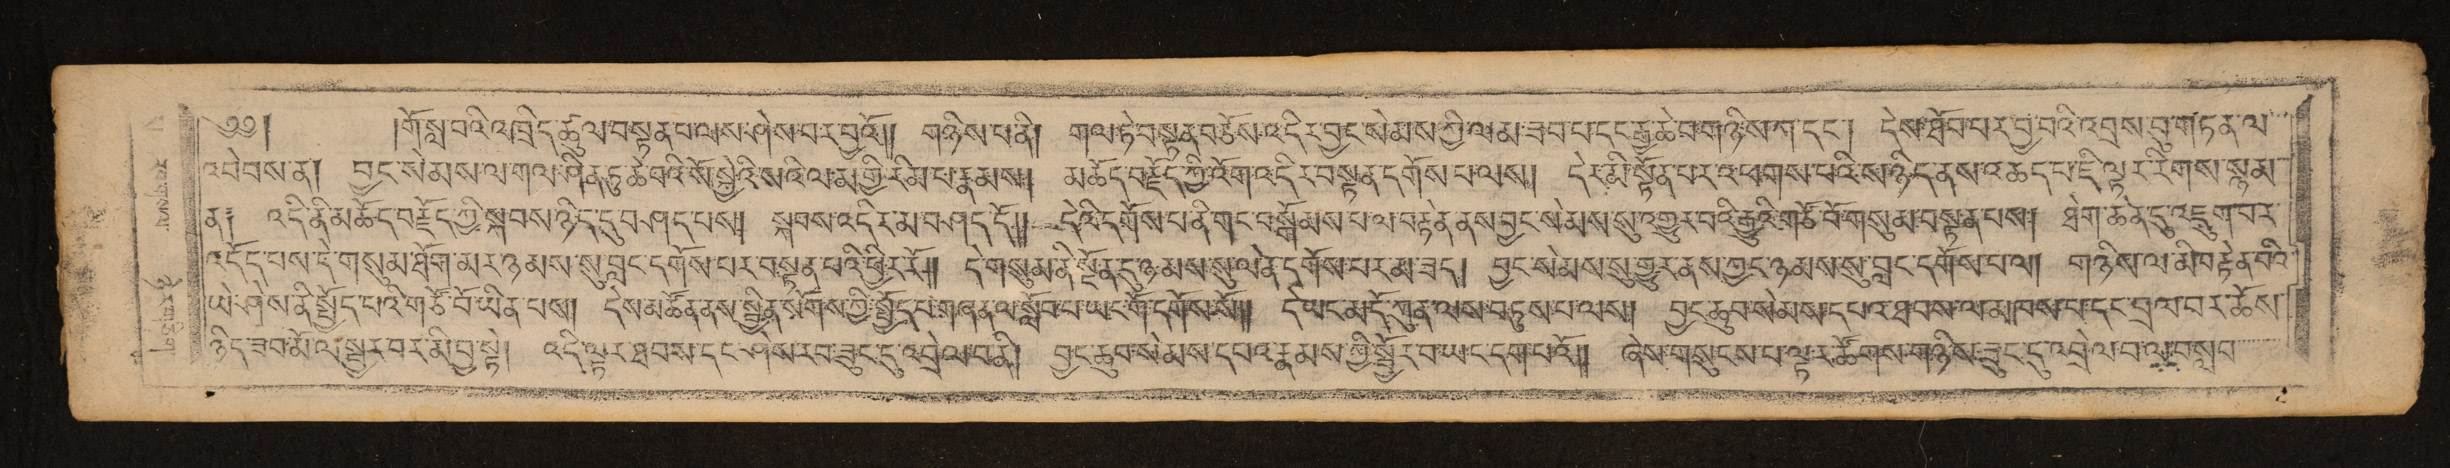༄༅། །གོ་སླ་བའི་འཁྲིད་ཚུལ་བསྟན་པ་ལས་ཤེས་པར་བྱའོ།། གཉིས་པ་ནི། གལ་ཏེ་བསྟན་བཅོས་འདིར་བྱང་སེམས་ཀྱི་ལམ་ཟབ་པ་དང་རྒྱ་ཆེ་བ་གཉིས་ཀ་དང་། དེས་ཐོབ་པར་བྱ་བའི་འབྲས་བུ་གཏན་ལ་
འབེབས་ན། བྱང་སེམས་ལ་གལ་ཤིན་ཏུ་ཆེ་བའི་སོ་སྐྱེའི་སའི་ལམ་གྱི་རིམ་པ་རྣམས། མཆོད་བརྗོད་ཀྱི་འོག་འདིར་བསྟན་དགོས་པ་ལས། དེར་མི་སྟོན་པར་འཕགས་པའི་ས་ཉིད་ནས་འཆད་པ་ཇི་ལྟར་རིགས་སྙམ་
ན། འདི་ནི་མཆོད་བརྗོད་ཀྱི་སྐབས་ཉིད་དུ་བཤད་པས། སྐབས་འདིར་མ་བཤད་དོ།། དེའི་དགོས་པ་ནི་གང་བསྒོམས་པ་ལ་བརྟེན་ནས་བྱང་སེམས་སུ་འགྱུར་བའི་རྒྱུའི་གཙོ་བོ་གསུམ་བསྟན་པས། ཐེག་ཆེན་དུ་འཇུག་པར་
འདོད་པས་དེ་གསུམ་ཐོག་མར་ཉམས་སུ་བླང་དགོས་པར་བསྟན་པའི་ཕྱིར་རོ།། དེ་གསུམ་ནི་སྔོན་དུ་ཉམས་སུ་ལེན་དགོས་པར་མ་ཟད། བྱང་སེམས་སུ་གྱུར་ནས་ཀྱང་ཉམས་སུ་བླང་དགོས་པ་ལ། གཉིས་ལ་མི་རྟེན་པའི་
ཡེ་ཤེས་ནི་སྤྱོད་པའི་གཙོ་བོ་ཡིན་པས། དེས་མཚོན་ནས་སྦྱིན་སོགས་ཀྱི་སྤྱོད་པ་གཞན་ལ་སློབ་པ་ཡང་གོ་དགོས་སོ།། དེ་ཡང་མདོ་ཀུན་ལས་བཏུས་པ་ལས། བྱང་ཆུབ་སེམས་དཔའ་ཐབས་ལ་མཁས་པ་དང་བྲལ་བར་ཆོས་
ཉིད་ཟབ་མོ་ལ་སྦྱར་བར་མི་བྱ་སྟེ། འདི་ལྟར་ཐབས་དང་ཤེས་རབ་ཟུང་དུ་འབྲེལ་བ་ནི། བྱང་ཆུབ་སེམས་དཔའ་རྣམས་ཀྱི་སྦྱོར་བ་ཡང་དག་པའོ།། ཞེས་གསུངས་པ་ལྟར་ཚོགས་གཉིས་ཟུང་དུ་འབྲེལ་བ་ལ་བསླབ་